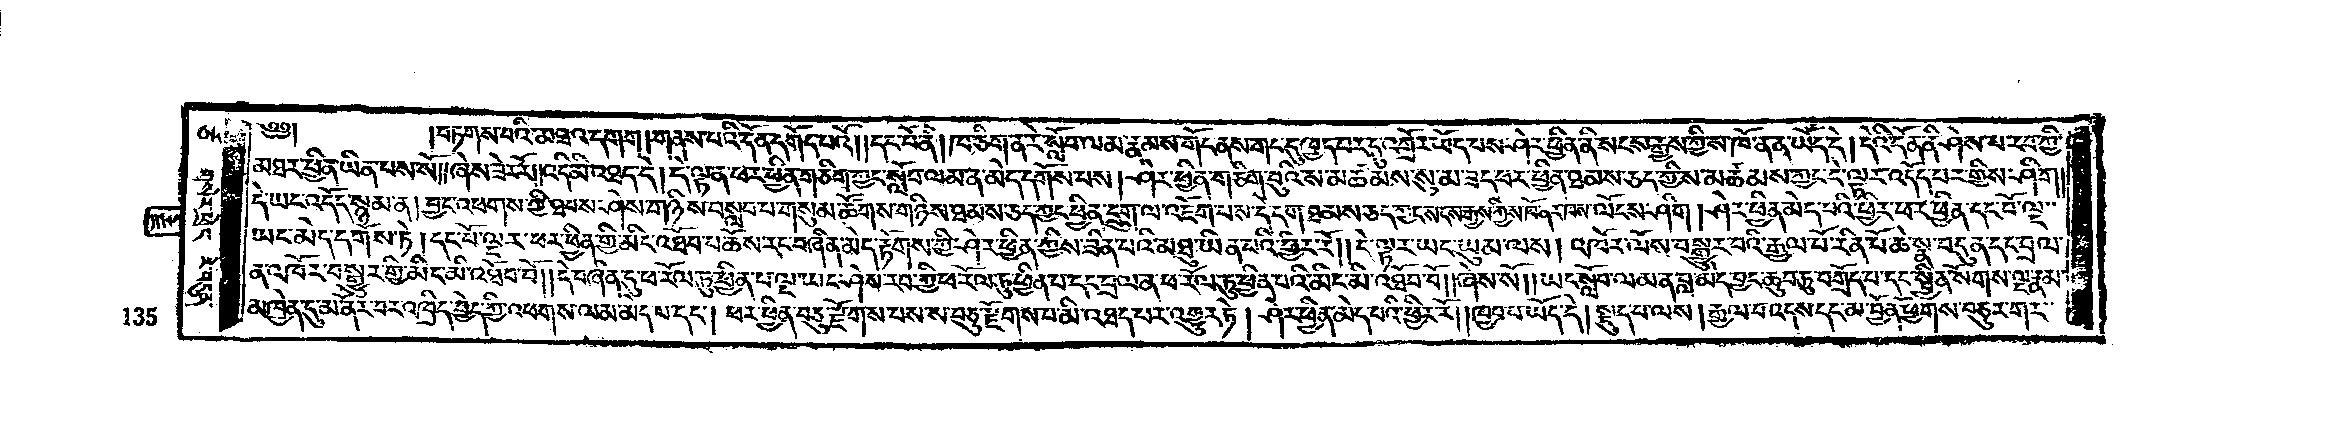༄༅། །བཏགས་པའི་མཐའ་དགག །གནས་པའི་དོན་དགོད་པའོ། །དང་པོ་ནི། ཁ་ཅིག་ན་རེ་སློབ་ལམ་རྣམས་གོང་ནས་གོང་དུ་ཁྱད་པར་དུ་འགྲོར་ཡོད་པས་ཤེར་ཕྱིན་ནི་སངས་རྒྱས་ཀྱི་ས་ཁོ་ན་ན་ཡོད་དེ། དེའི་དོན་ནི་ཤེས་པ་རབ་ཀྱི་
མཐར་ཕྱིན་ཡིན་པས་སོ། །ཞེས་ཟེར་རོ། །འདི་མི་འཐད་དེ། དེ་ལྟ་ན་ཕར་ཕྱིན་གཅིག་ཀྱང་སློབ་ལམ་ན་མེད་དགོས་པས། ཤེར་ཕྱིན་གཅིག་པུའི་ས་མཚམས་སུ་མ་ཟད་ཕར་ཕྱིན་ཐམས་ཅད་ཀྱི་ས་མཚམས་ཀྱང་དེ་ལྟར་འདོད་པར་གྱིས་ཤིག །
དེ་ཡང་འདོད་སྙམ་ན། བྱང་འཕགས་ཀྱི་ཐབས་ཤེས་གཉིས་བསླབ་པ་གསུམ་ཚོགས་གཉིས་ཐམས་ཅད་ཀྱང་ཕྱིན་དྲུག་ལ་འཇོག་པས་དེ་དག་ཐམས་ཅད་ཀྱང་སངས་རྒྱས་ཀྱི་ས་ཁོ་ནར་ཁས་ལོངས་ཤིག །ཤེར་ཕྱིན་མེད་པའི་ཕྱིར་ཕར་ཕྱིན་དང་པོ་ལྔ་
ཡང་མེད་དགོས་ཏེ། དང་པོ་ལྔར་ཕར་ཕྱིན་གྱི་མིང་འཐོབ་པ་ཆོས་རང་བཞིན་མེད་རྟོགས་ཀྱི་ཤེར་ཕྱིན་ཀྱིས་ཟིན་པའི་མཐུ་ཡིན་པའི་ཕྱིར་རོ། །དེ་ལྟར་ཡང་ཡུམ་ལས། འཁོར་ལོས་བསྒྱུར་བའི་རྒྱལ་པོ་རིན་པོ་ཆེ་སྣ་བདུན་དང་བྲལ་
ན་འཁོར་བསྒྱུར་གྱི་མིང་མི་འཐོབ་བོ། །དེ་བཞིན་དུ་ཕ་རོལ་ཏུ་ཕྱིན་པ་ལྔ་ཡང་ཤེས་རབ་ཀྱི་ཕ་རོལ་ཏུ་ཕྱིན་པ་དང་བྲལ་ན་ཕ་རོལ་ཏུ་ཕྱིན་པའི་མིང་མི་འཐོབ་བོ། །ཞེས་སོ། །ཡང་སློབ་ལམ་ན་བླ་མེད་བྱང་ཆུབ་ཏུ་བགྲོད་པ་དང་སྦྱིན་སོགས་ལྔ་རྣམ་
མཁྱེན་དུ་མ་ནོར་བར་འཁྲིད་བྱེད་ཀྱི་འཕགས་ལམ་མེད་པ་དང་། ཕར་ཕྱིན་བཅུ་རྫོགས་པས་ས་བཅུ་རྫོགས་པ་མི་འཐད་པར་འགྱུར་ཏེ། ཤེར་ཕྱིན་མེད་པའི་ཕྱིར་རོ། །ཁྱབ་པ་ཡོད་དེ། སྡུད་པ་ལས། རྒྱལ་བ་འདས་དང་མ་བྱོན་ཕྱོགས་བཅུར་གར་